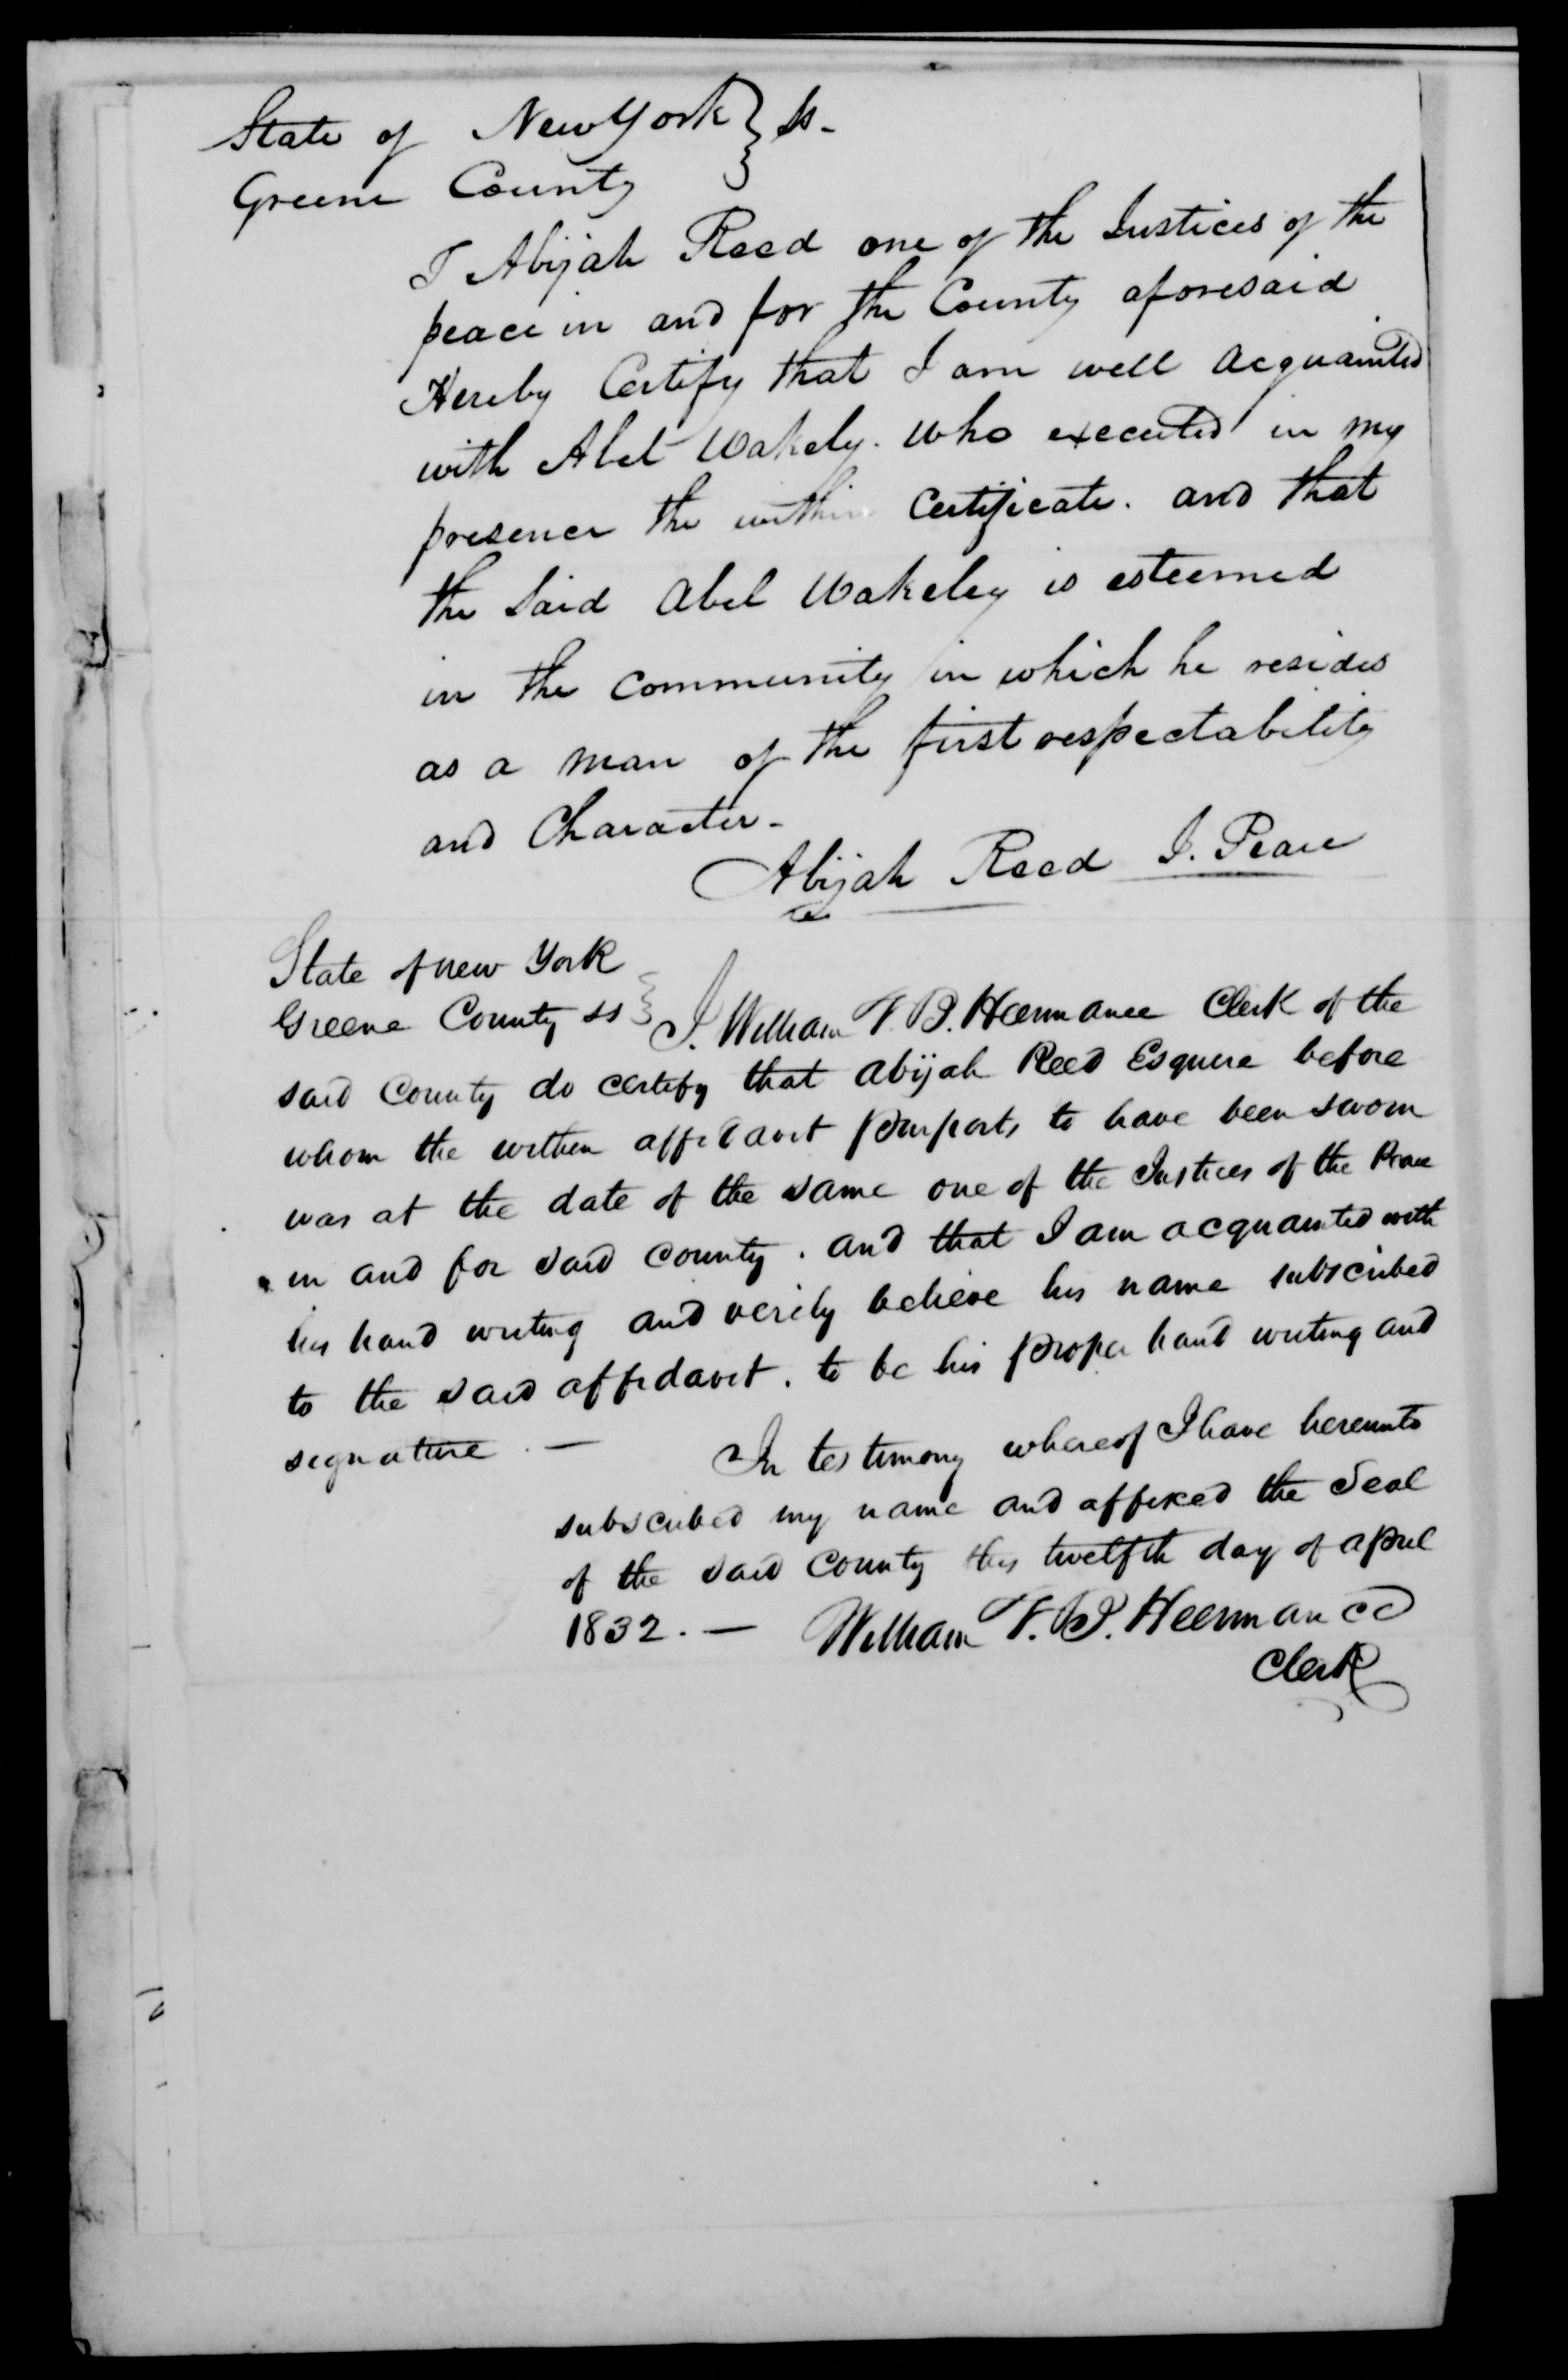State of New York 
Greene County  ss}  I Abijah Reed one of the Justices of the peace in and for the County aforesaid Hereby Certify that I am well acquainted with Abel Wakely who executed in my presence the within certificate, and that the said Abel Wakely is esteemed in the community in which he resides as a man of the first respectability and Character- 
Abijah Reed J. Peace 
State of New York  
Greene County }  Ss. I William V. B.  Heermance Clerk of the said County do certify that Abijah Reed Esquire before whom the within affidavit purports to have been sworn was at the date of the same one of the Justices of the Peace in and for said County, and that I am acquainted with his hand writing and verily believe his name subscribed to the said affidavit to be his proper hand writing and signature.   
In testimony whereof I have hereunto subscribed my name and affixed the Seal of the said County this twelfth day of April 1832.- 
William V. B. Heermance Clerk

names: William V B Heermance; Abijah Reed; Abijah Reed; Abel Wakely; Abijah Reed; William V B Heermance; Abel Wakeley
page: 46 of 55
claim: widow's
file: W. 11480, for Phinehas Smith, Connecticut